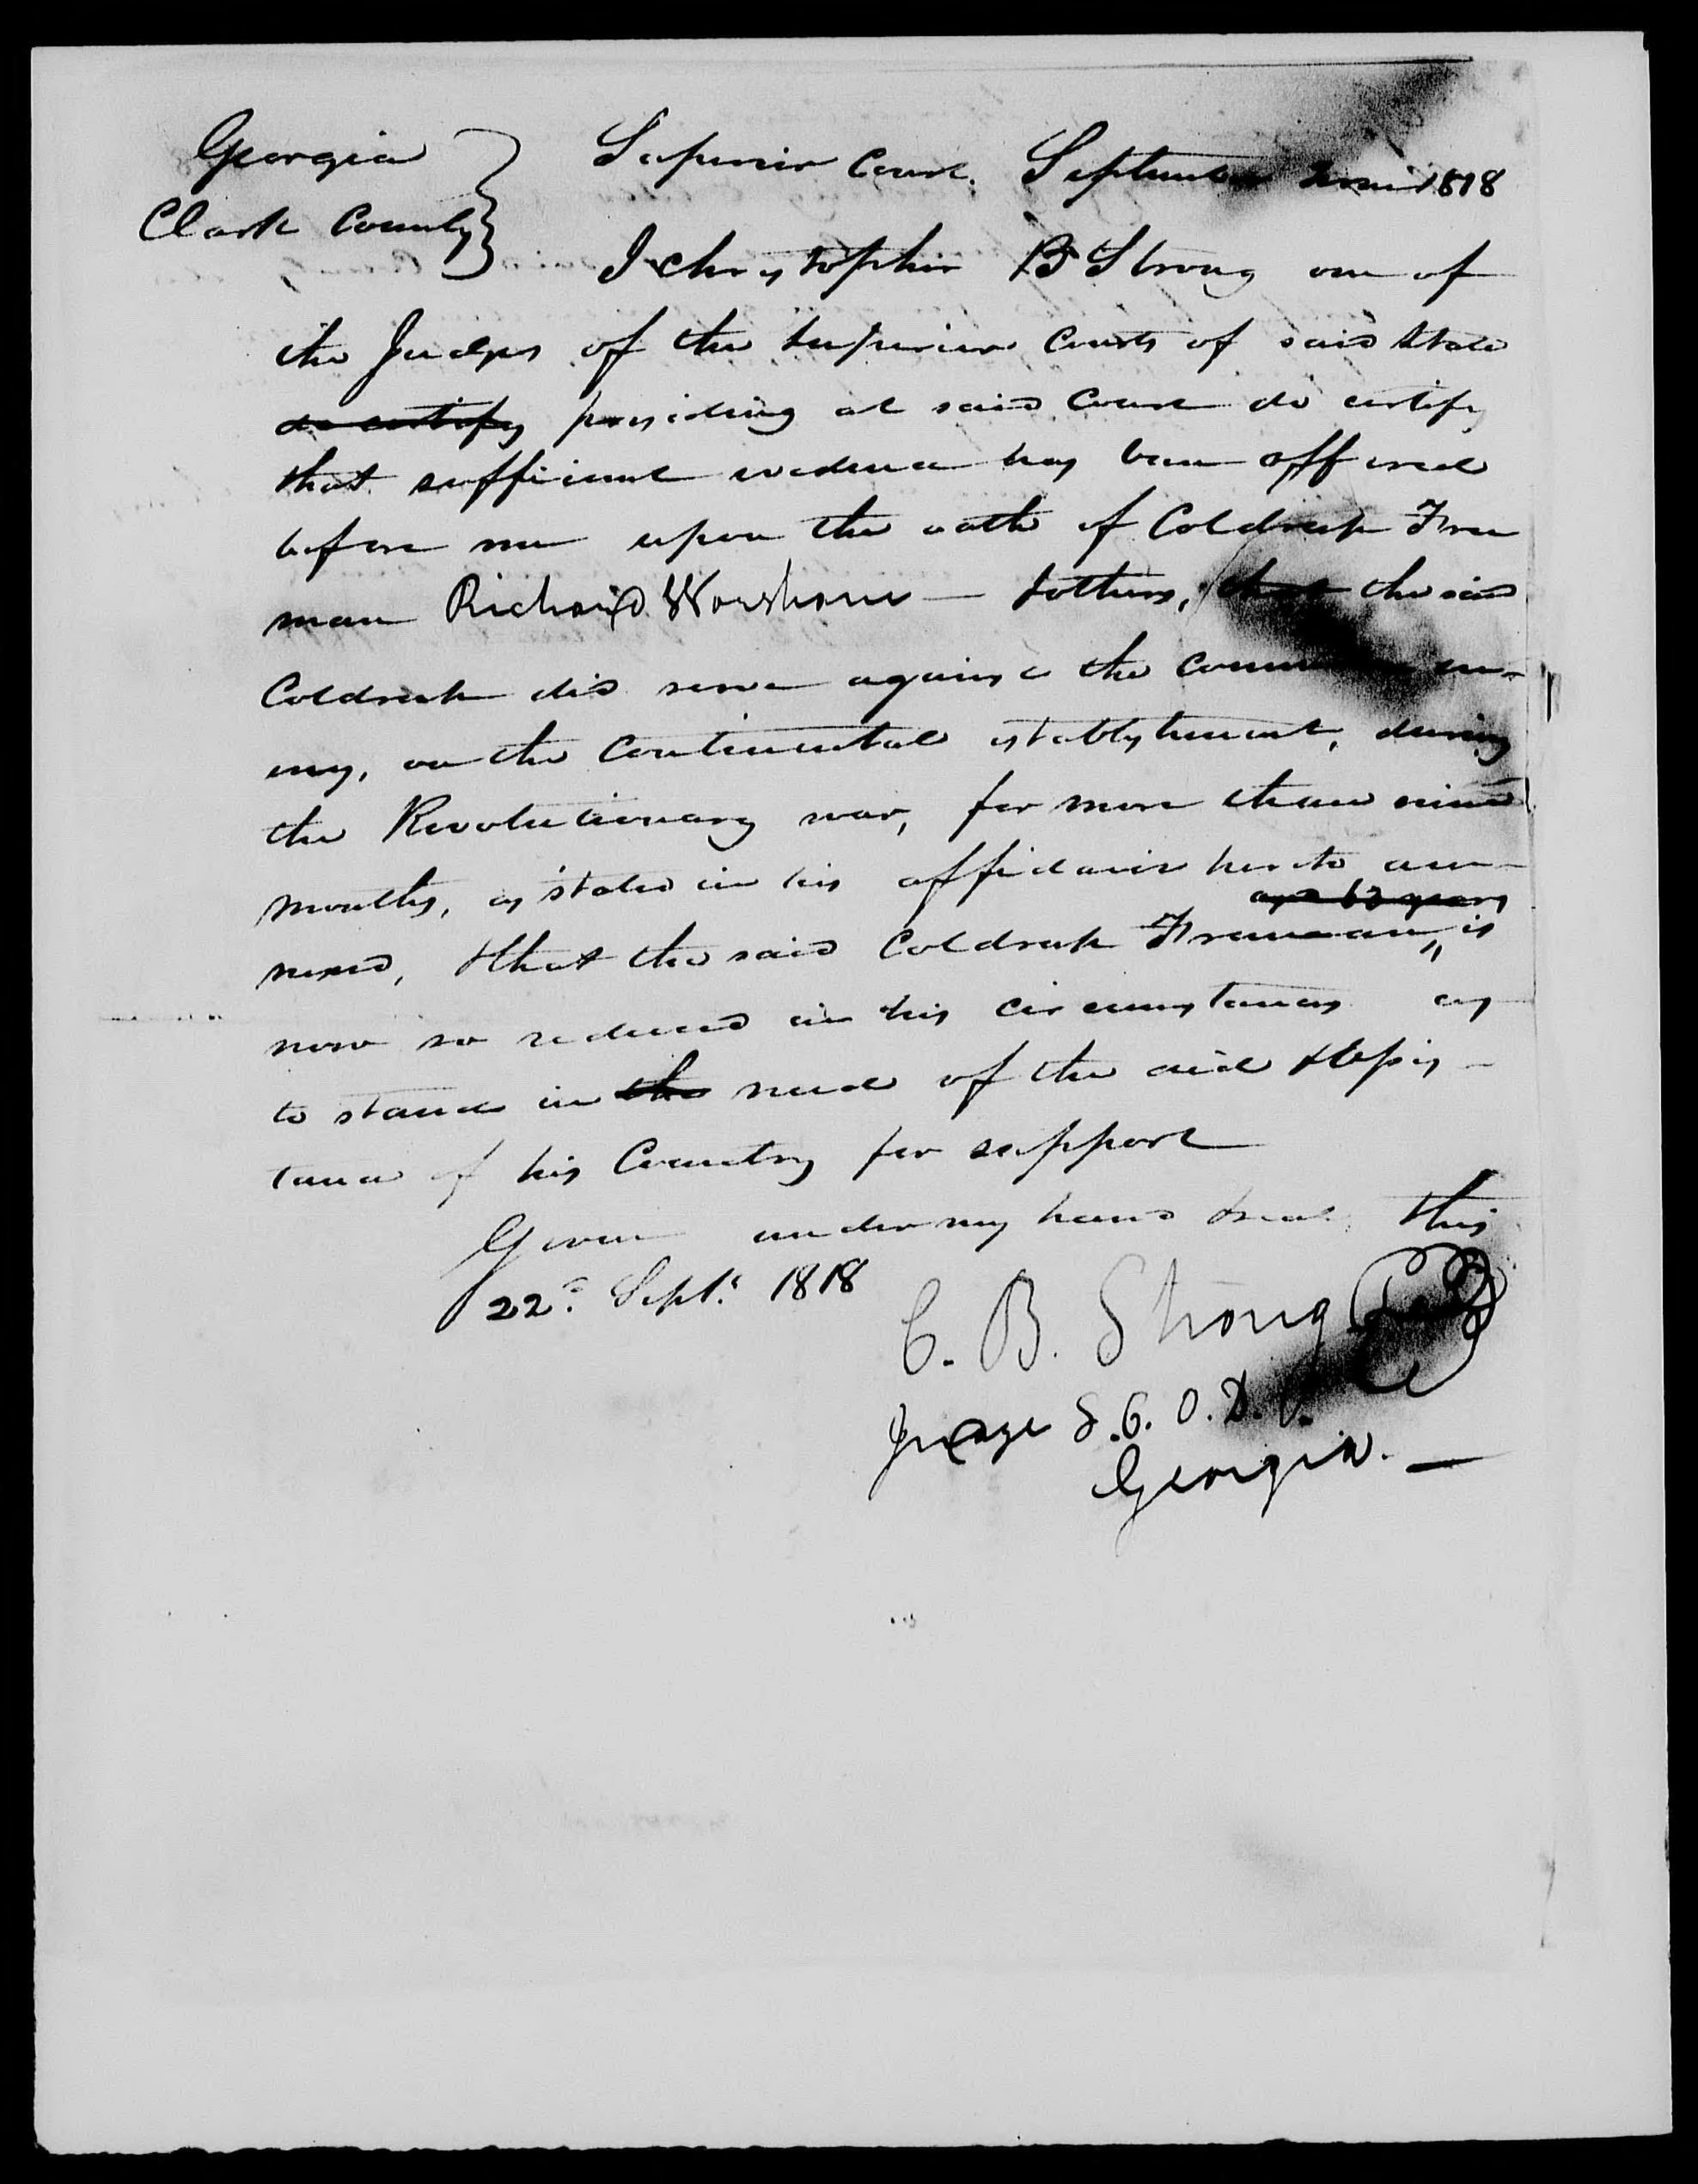Georgia
Clark County

Superior Court.  September Term 1818

I Christopher B Strong one of the Judges of the Superior Courts of said State presiding at said Court do certify that sufficient evidence has been offered before me upon the oath of Coldrup Freeman Richard Worsham - the said Coldrup did serve against the common enemy, on the Continental establishment during the Revolutionary war, for more than [illegible] months, as stated in his affidavit hereto annexed, & that the said Coldrup Freeman is now so reduced in his circumstances as to stand in need of the aid of his Country for support

Given under my hand & seal this Septr. 1818

C. B. Strong
Judge S.C.O.D. 
Georgia --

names: Coldrup, Coldrup Freeman, C B Strong, Richard Worsham, Coldrup Freeman, Christopher B Strong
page: 6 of 15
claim: survivor's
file: S. 37,941, Coldrup Freeman, Va.